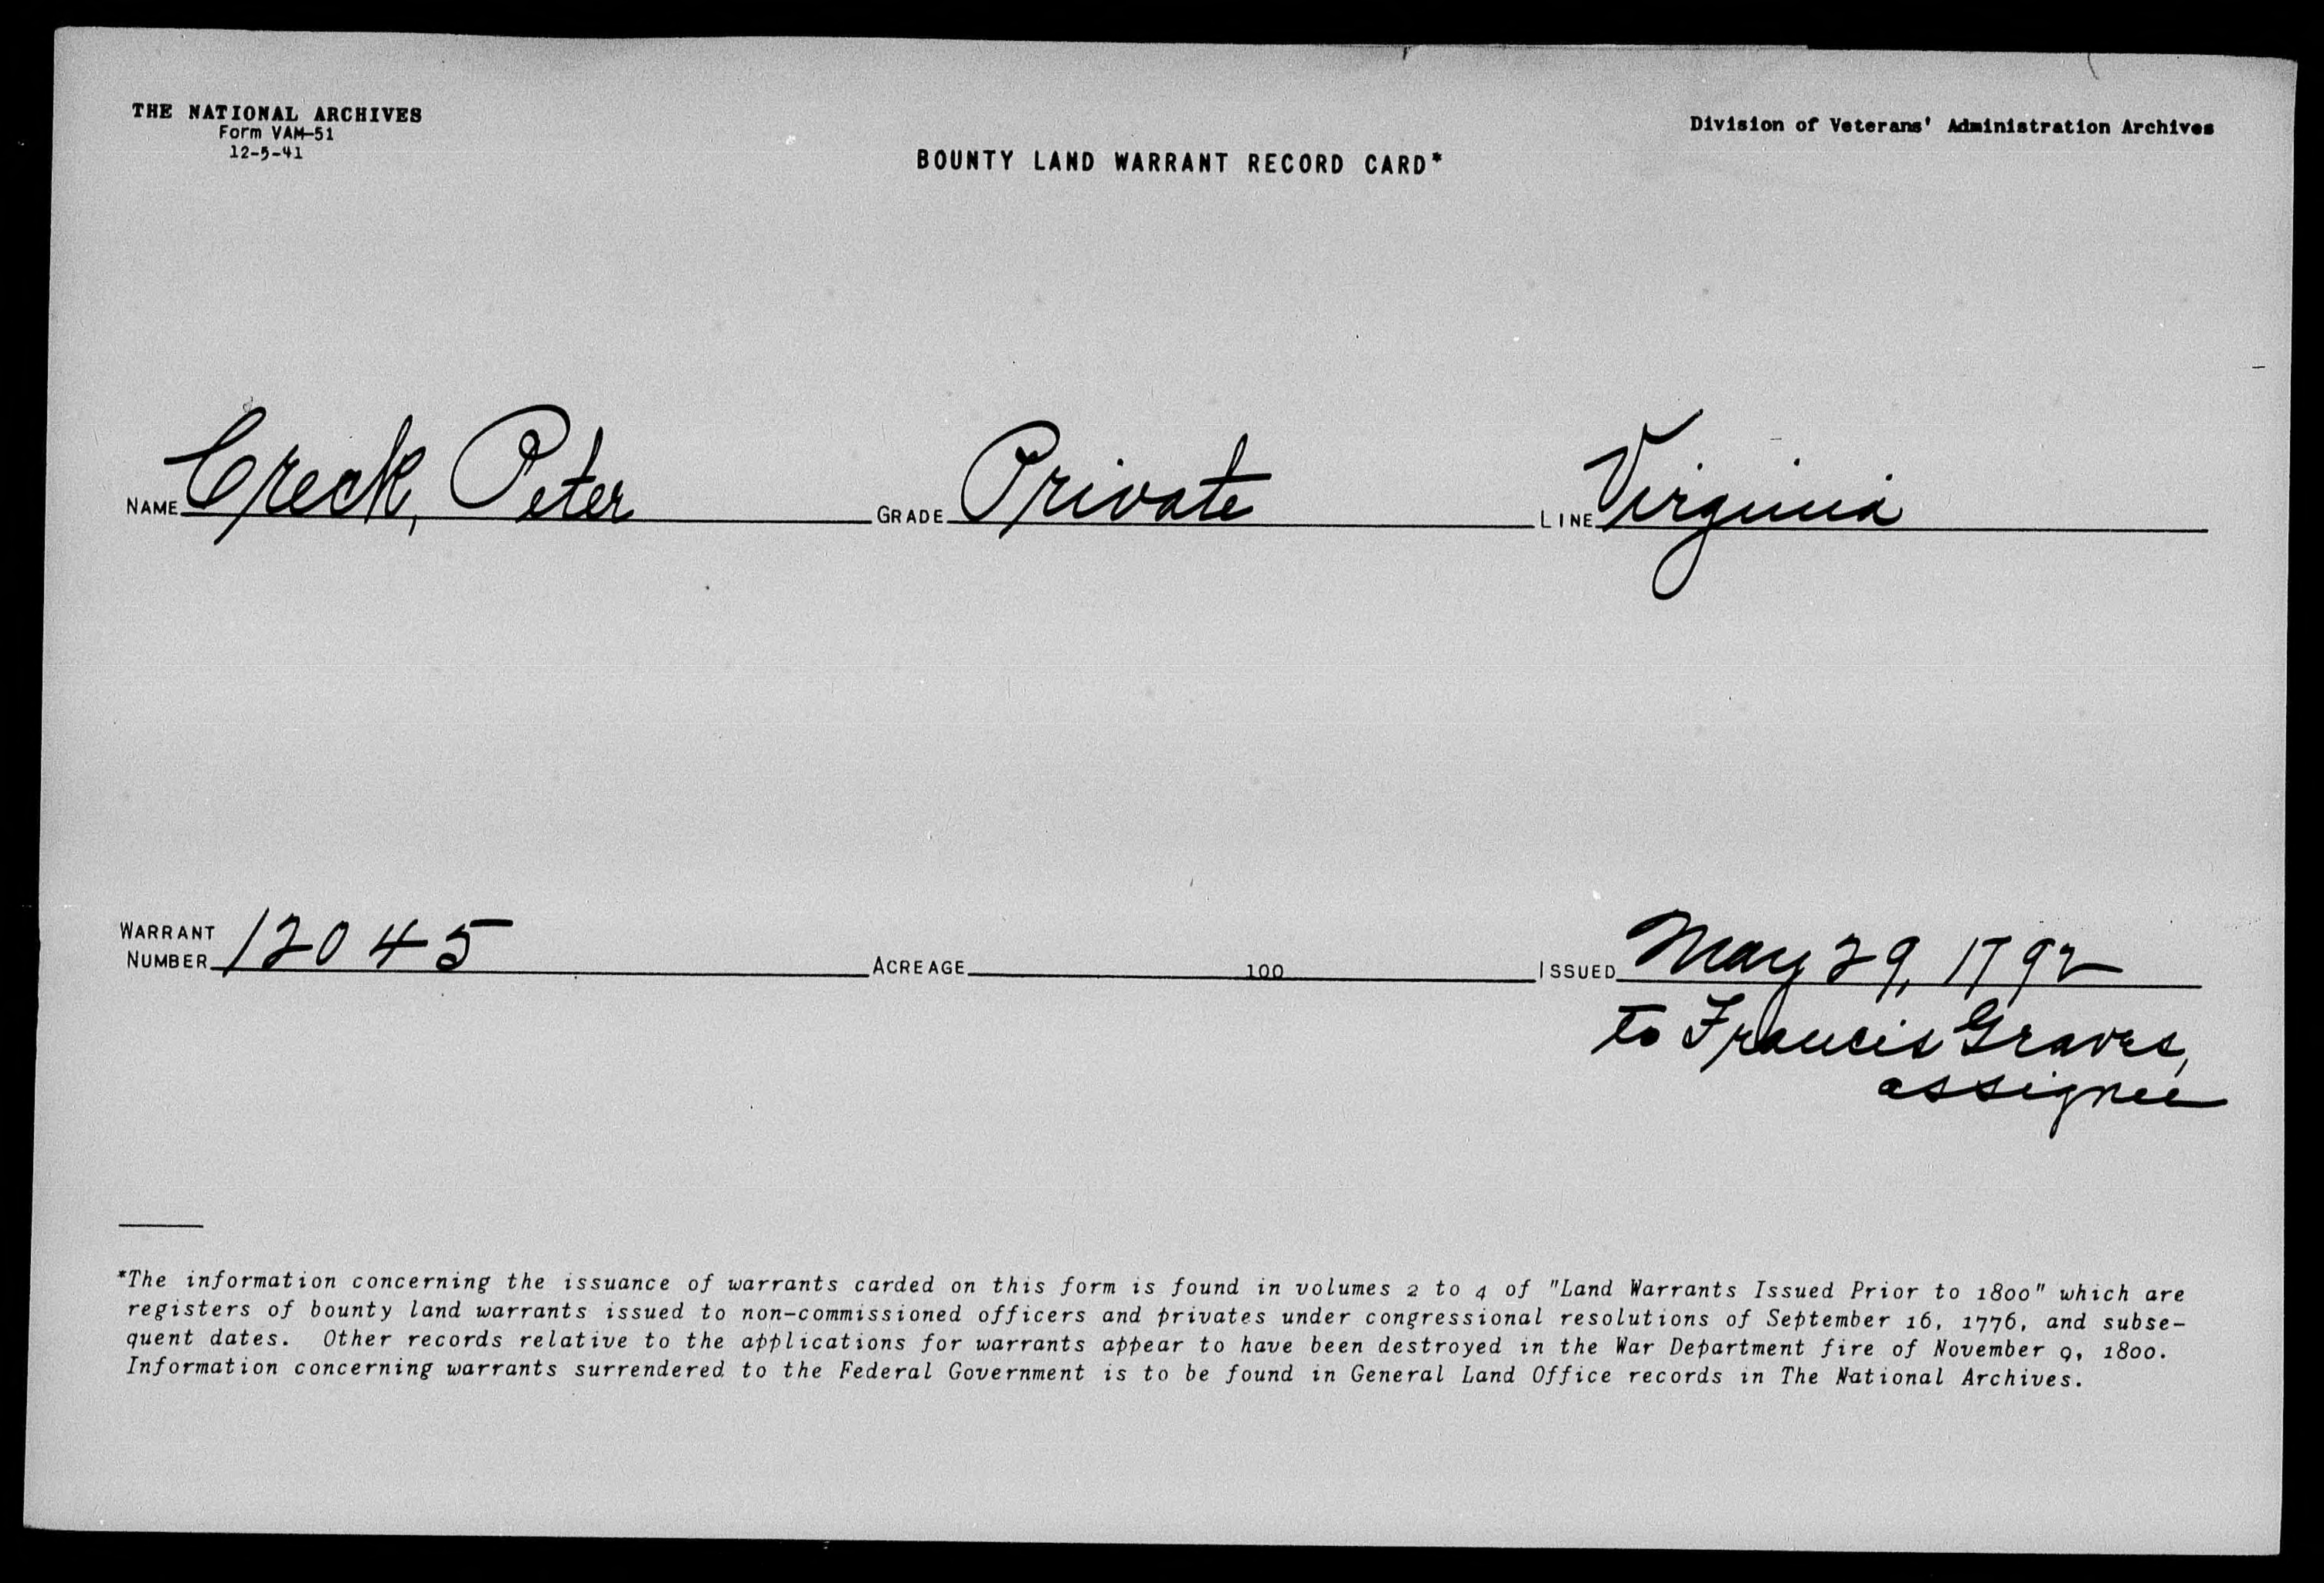[printed form, handwritten responses]
The National Archives 
Form VAM-51
12-5-41

BOUNTY LAND WARRANT RECORD CARD* 

Division of Veterans' Administration Archives

Name: Creck, Peter 
Grade: Private 
Line: Virginia 

Warrant Number: 12045 
Acreage: 100 
Issued: May 29, 1792 
to Francis Graves, 
assignee

*The information concerning the issuance of warrants carded on this form is found in volumes 2 to 4 of "Land Warrants Issued Prior to 1800" which are
registers of bounty land warrants issued to non-commissioned officers and privates under congressional resolutions of September 16, 1776, and subse-
quent dates.  Other records relative to the applications for warrants appear to have been destroyed in the War Department fire of November 8, 1800.
Information concerning warrants surrendered to the Federal Government is to be found in General Land Office records in The National Archives.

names: Francis Graves, Peter Creck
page: 16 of 16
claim: survivor's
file: S. 37,877, John Creasey, Va.